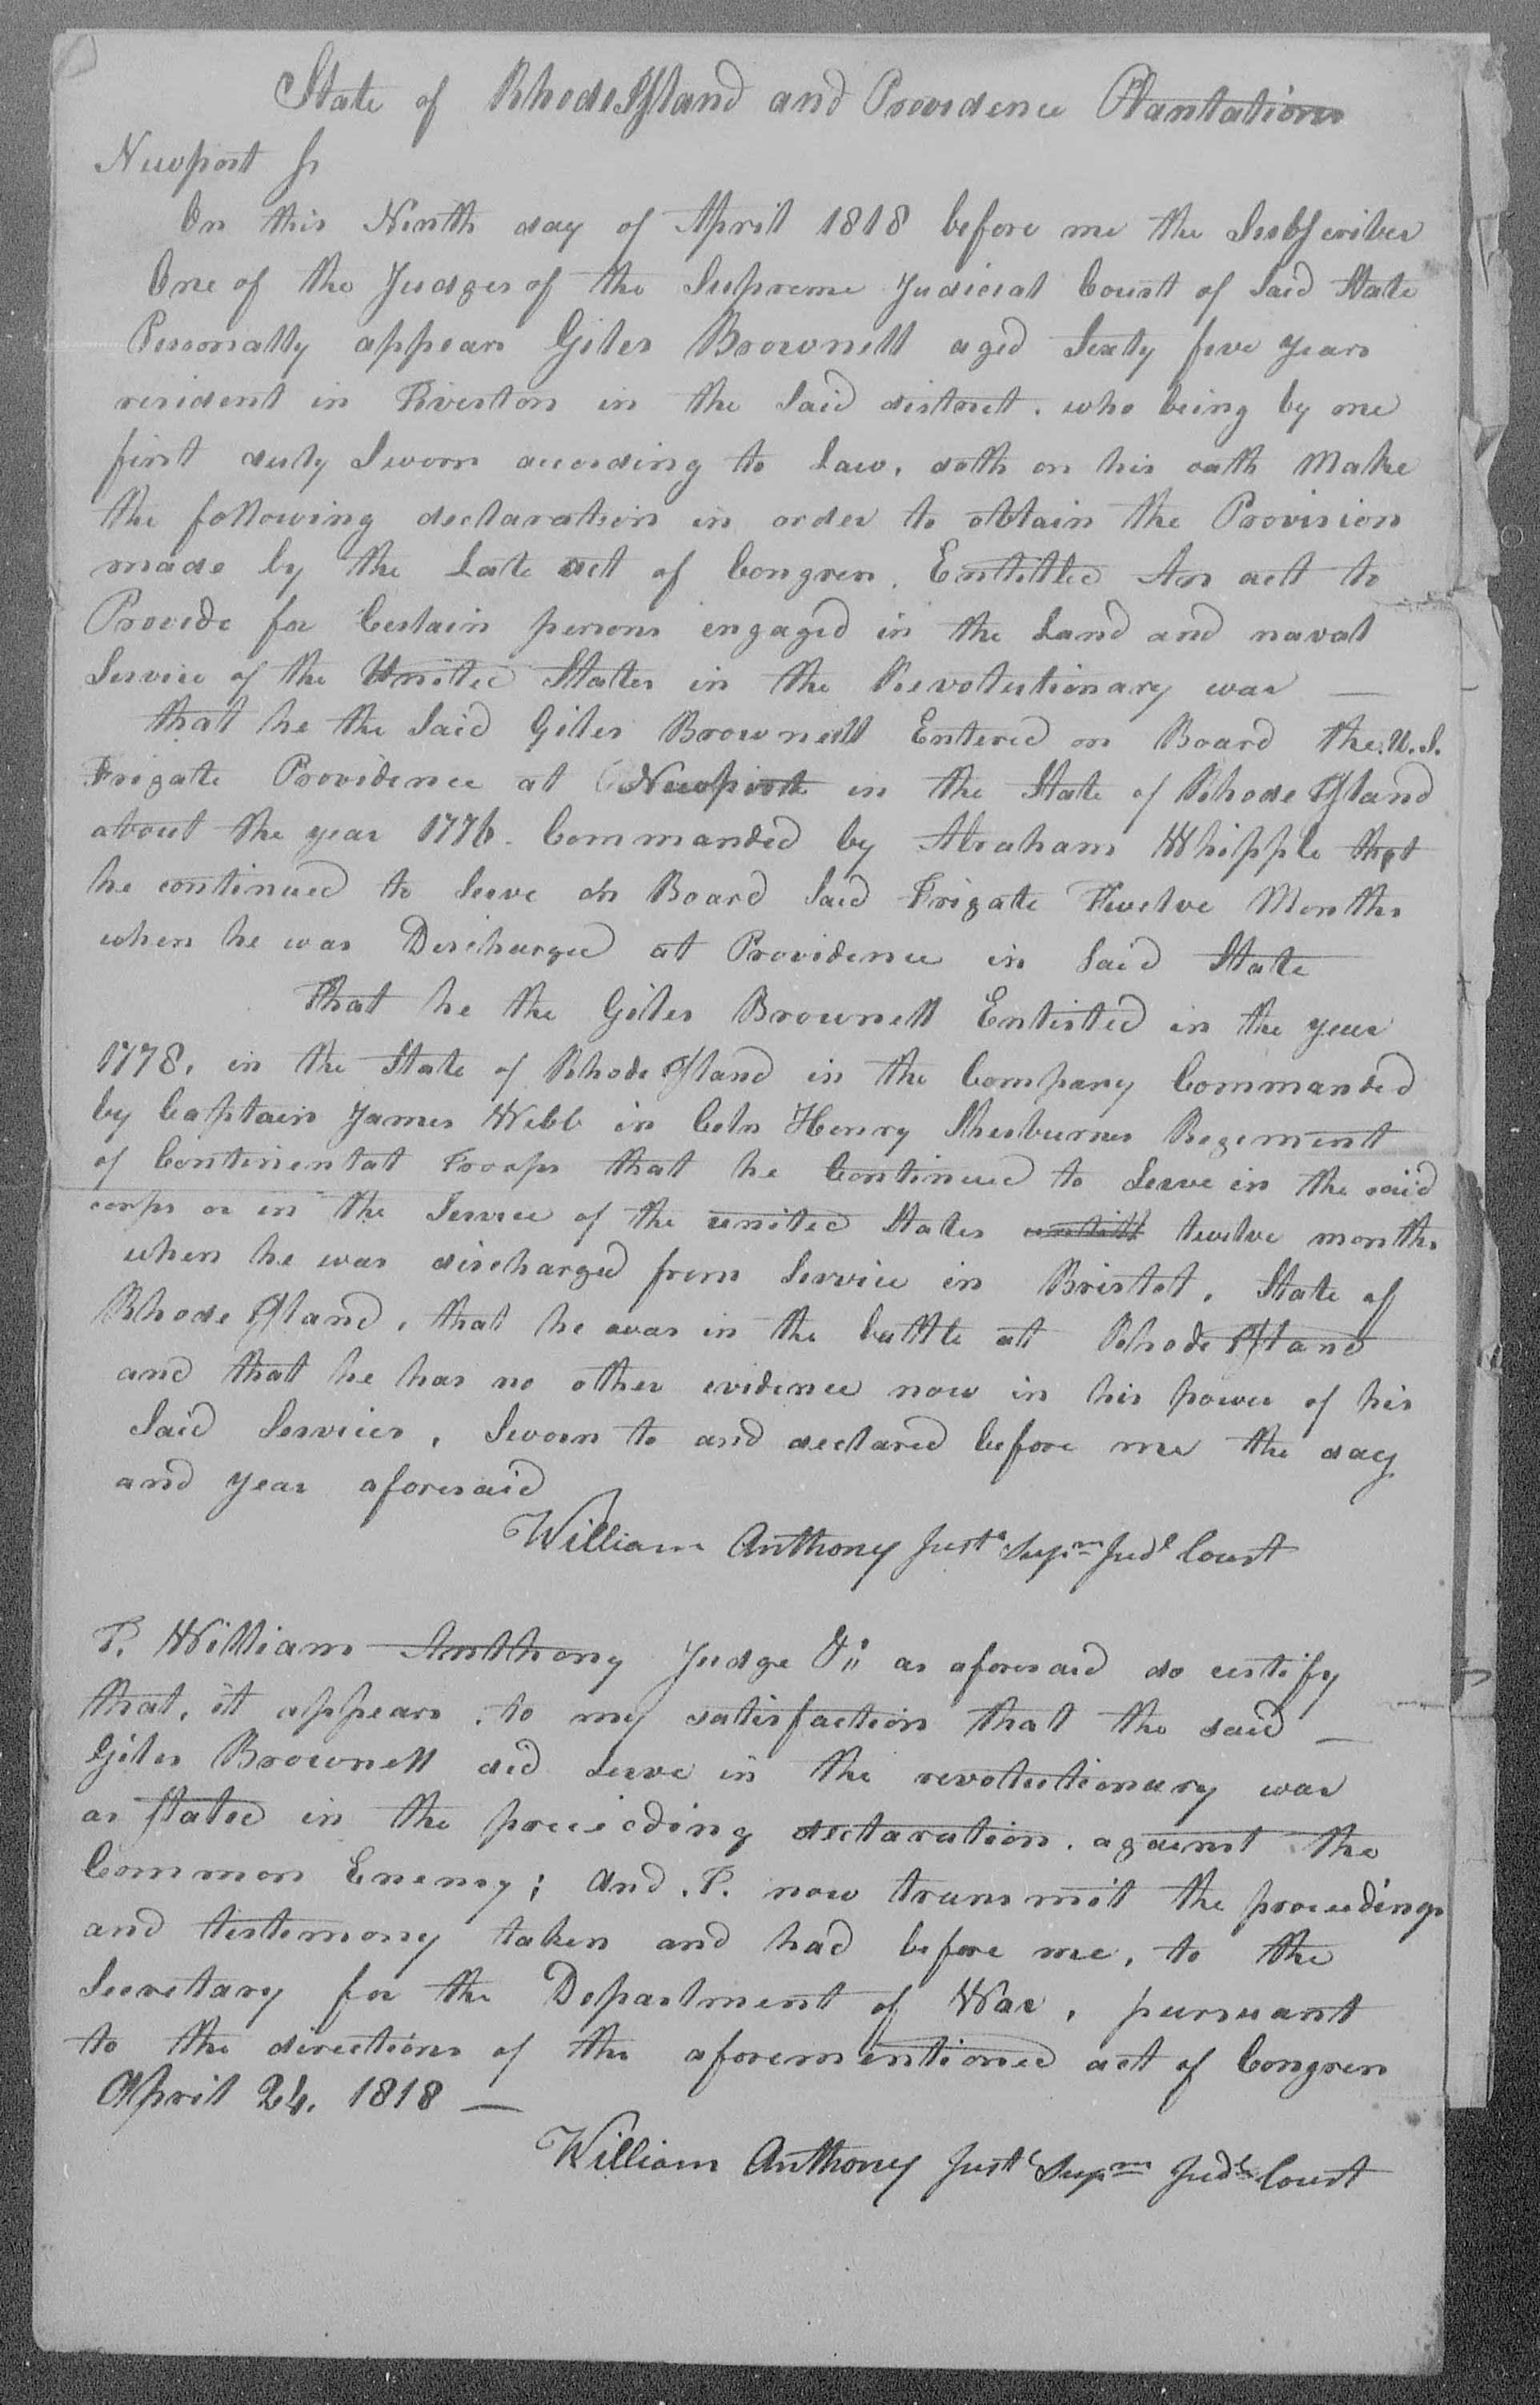State of Rhode Island and Providence Plantations
Newport ss.
On this Ninth day of April 1818 before me the Subscriber One of the Judges of the Supreme Judicial Court of Said State Personally appears Giles Brownell aged Sixty five years resident in Tiverton in the said district, who being by me first duly sworn according to law, doth on his oath Make the following declaration in order to obtain the Provision made by the late Act of Congress Entitled An act to Provide for Certain persons engaged in the land and naval Service of the United States in the Revolutionary war - that the said Giles Brownell Entered on Board the U.S. Frigate Providence at Newport in the State of Rhode Island about the year 1776. Commanded by Abraham Whipple that he continued to Serve on Board Said Frigate Twelve Months when he was discharged at Providence in Said State
That he the Giles Brownell Enlisted in the year 1778, in the State of Rhode Island in the Company Commanded by Captain James Webb in Coln Henry Sherburnes Regiment of Continental troops that he continued to Serve in the said corps or in the Service of the United States [word crossed through] twelve months when he was discharged from Service in Bristol, State of Rhode Island, that he was in the battle at Rhode Island and that he has no other evidence now in his power of his Said Service. Sworn to and declared before me this day and year aforesaid
William Anthony Just^e Sup^me Jud^l Court [Justice Supreme Judicial Court]

I William Anthony Judge [illegible] as aforesaid do certify that, it appears to my satisfaction that the said - Giles Brownell did Serve in the revolutionary war as stated in the preceding declaration against the Common Enemy; and I now transmit the proceedings and testimony taken and had before me, to the Secretary for the Department of War, pursuant to the directions of the aforementioned Act of Congress
April 24, 1818
William Anthony Just^e Sup^me Jud^l Court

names: James Webb, Abraham Whipple, William Anthony, Giles Brownell, William Anthony, Giles Brownell, William Anthony, Giles Brownell, Giles Brownell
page: 5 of 12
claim: survivor's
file: S. 38579, Giles Brownell, Continental (R.I.) Navy